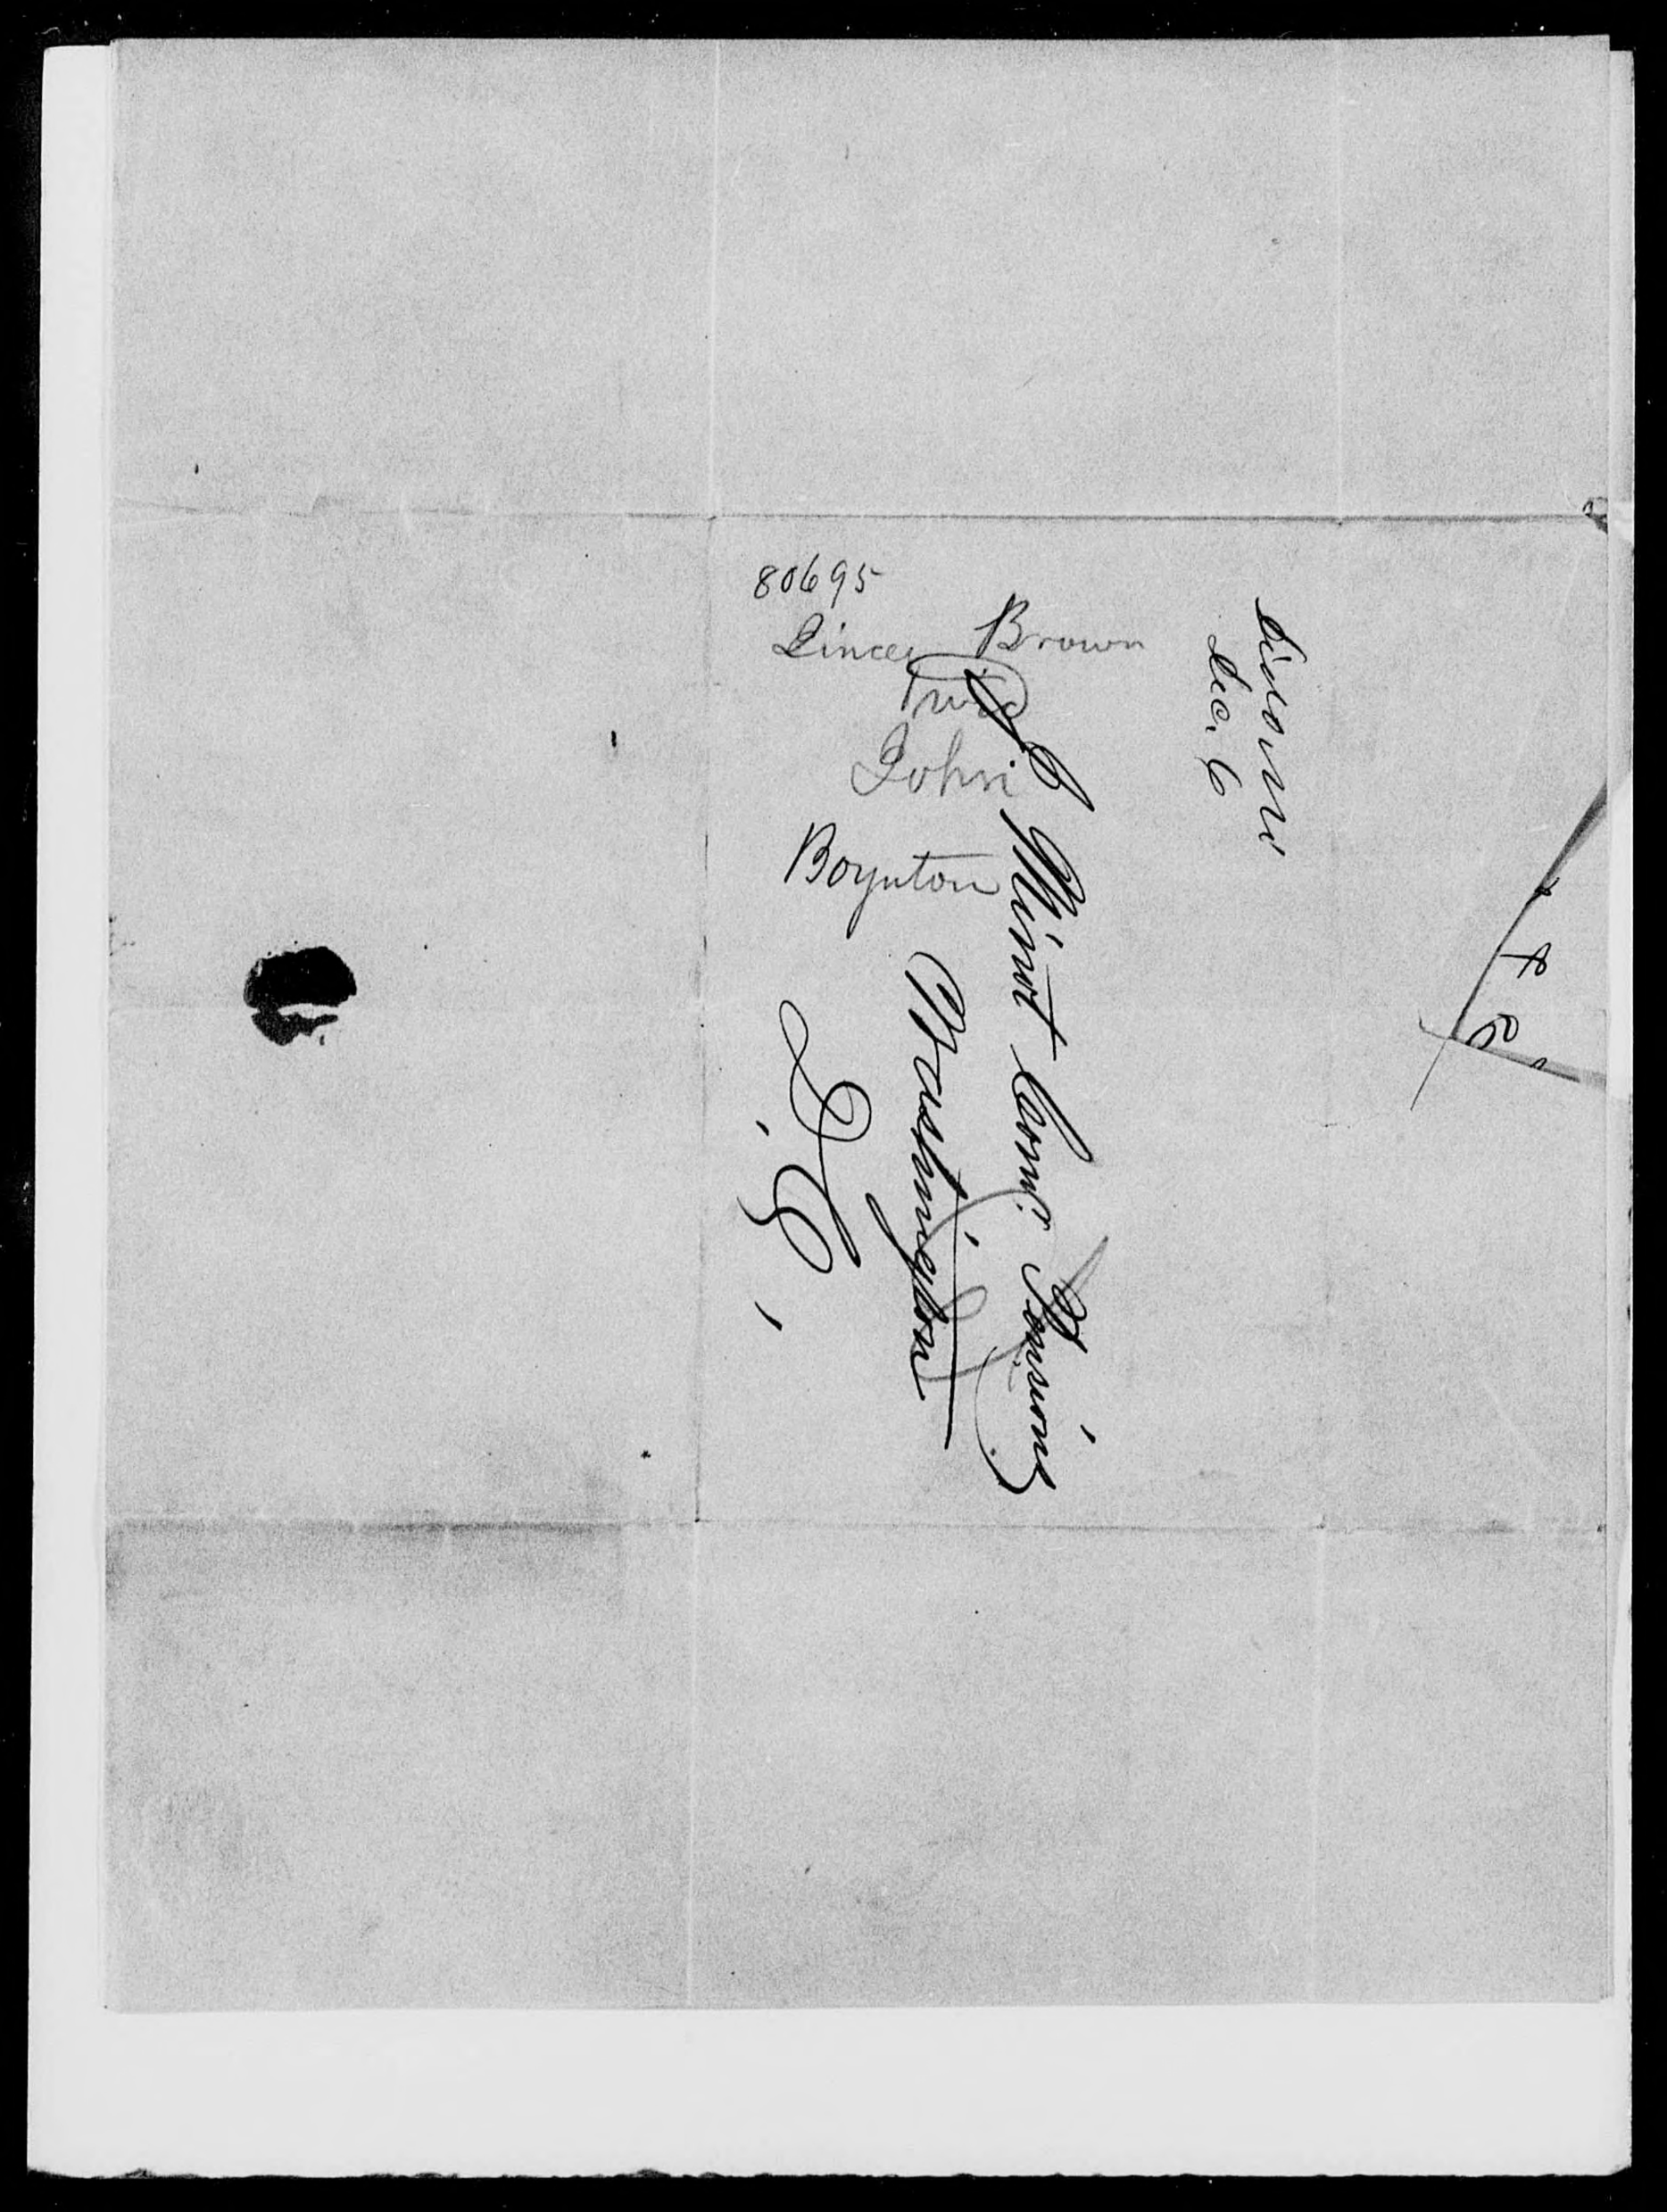80695
Jincy Brown
 Wid 
John 
Boynton
Died in
Dec. 6
J. Minot Com. Pensions
Washington
D.C.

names: John, J Minot, Jincey Brown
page: 63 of 85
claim: widow's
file: W. 5,906, John Brown, S.C.